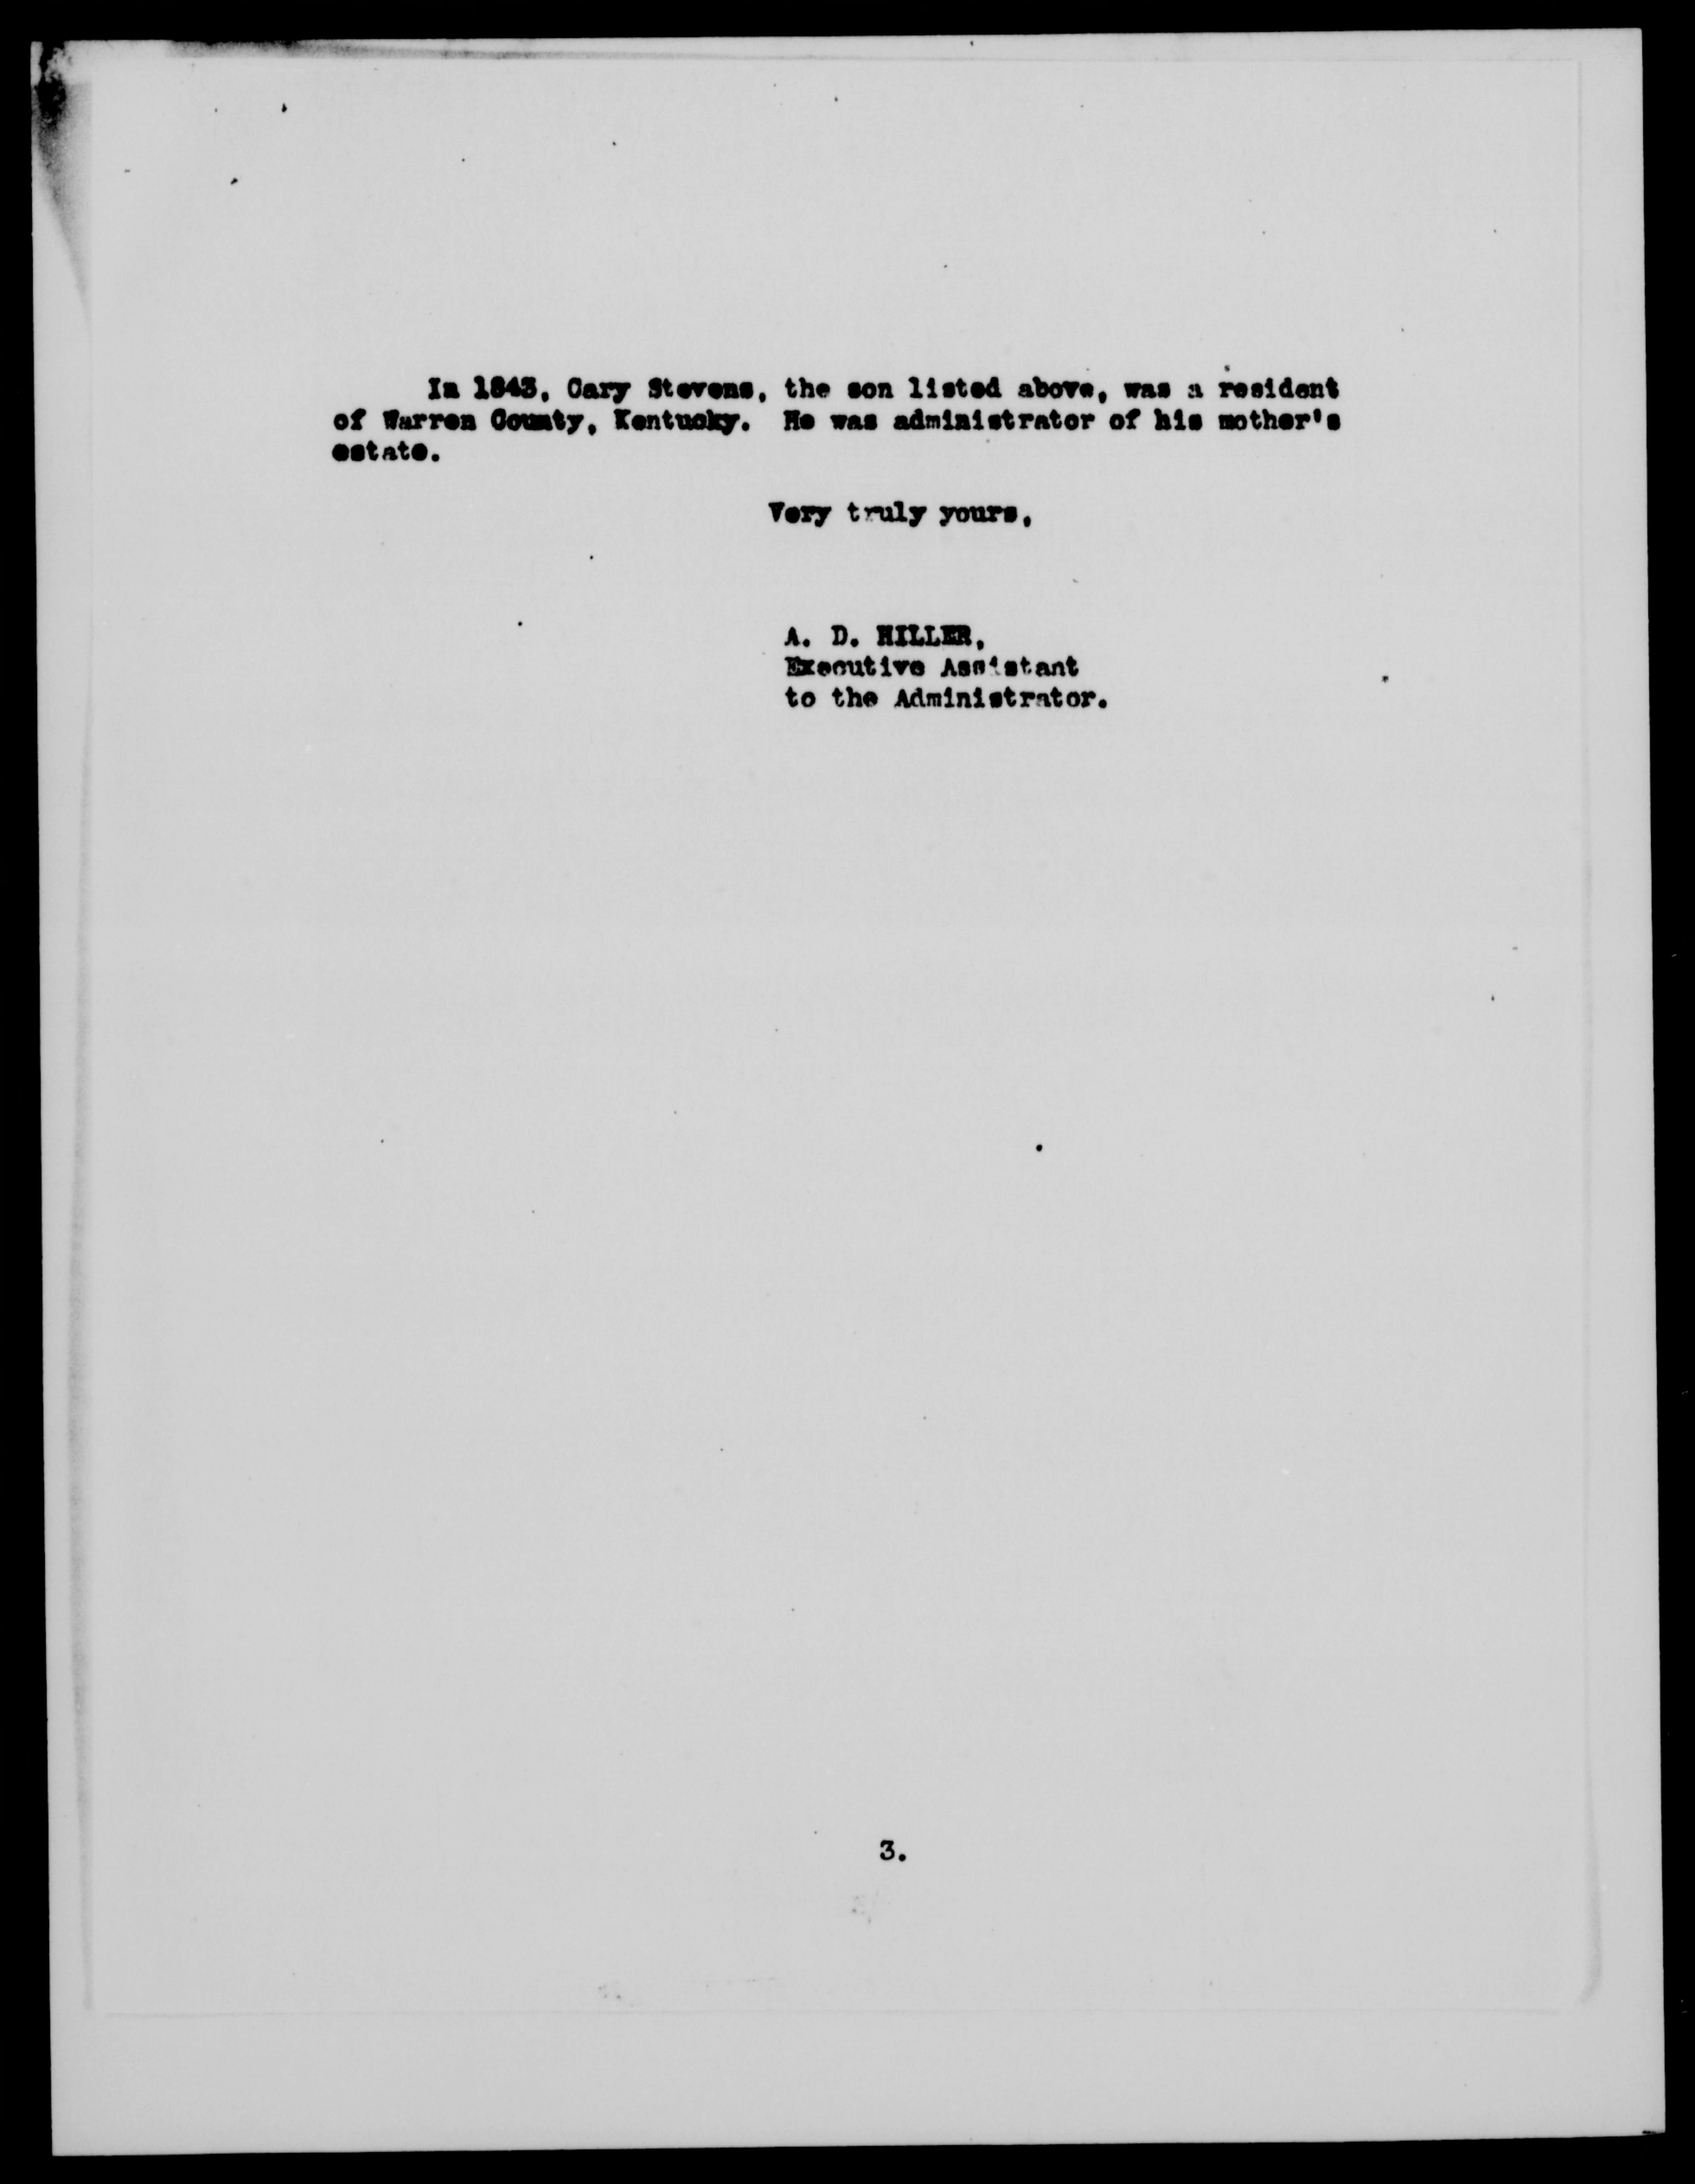In 1845, Gary Stevens, the son listed above, was a resident of Warren County, Kentucky. He was administrator of his mother's estate. Very truly yours, A. D. HILLER, Executive Assistant to the Administrator.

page: 21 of 99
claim: widow's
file: W 8766, for James Stevens, Virginia